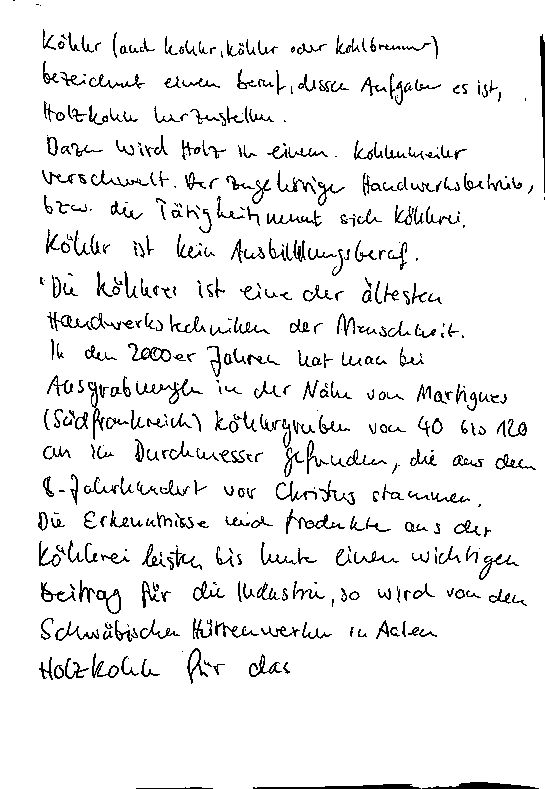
Köhler (auch Kohler, Kähler oder Kohlbrenner)
bezeichnet einen Beruf, dessen Aufgabe es ist,
Holzkohle herzustellen.
Dazu Dazu Dazu in einem Kohlenmeiler
verschwelt. Der zugehörige Handwerksbetrieb,
bzw. die Tätigkeit, nennt sich Köhlerei.
Köhler ist kein Ausbildungsberuf.
Die Köhlerei ist eine der ältesten
Handwerkstechniken der Menschheit.
In den 2000er Jahren hat man bei
Ausgrabungen in der Nähe von Martigues
(Südfrankreich) Köhlergruben von 40 bis 120
cm im Durchmesser gefunden, die aus dem
8. Jahrhundert vor Christus stammen.
Die Erkenntnisse und Produkte aus der
Köhlerei leisten bis heute einen wichtigen
Beitrag für die Industrie, so wird von den
Schwäbischen Hüttenwerken in Aalen
Holzkohle für das
